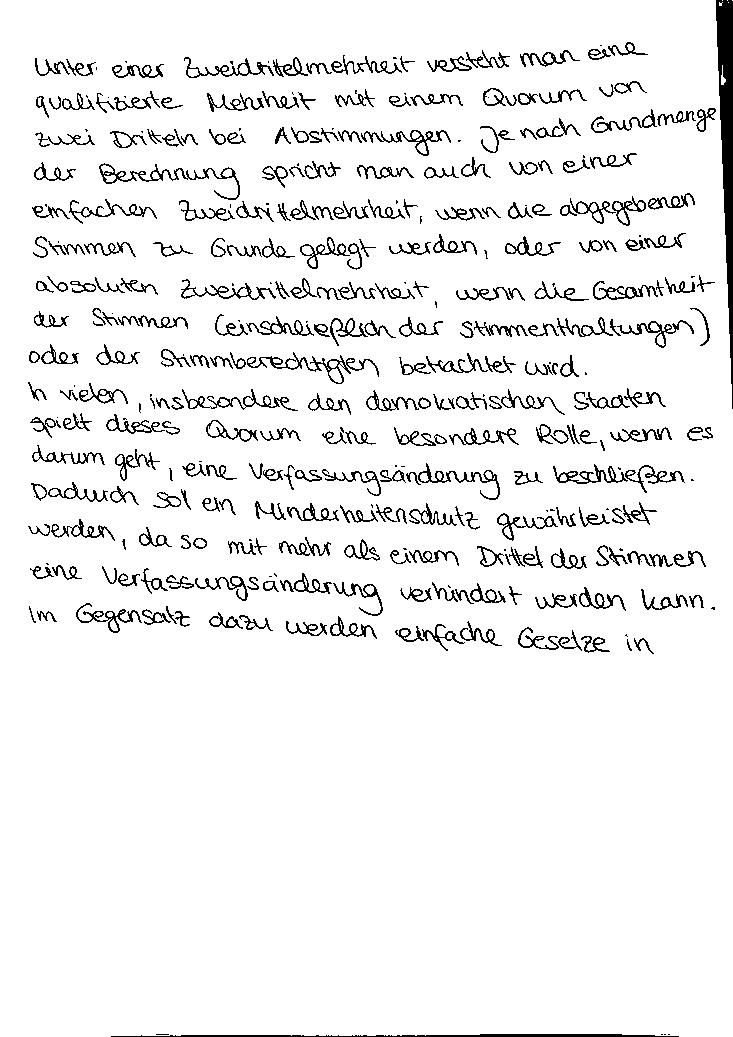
Unter einer Zweidrittelmehrheit versteht man eine
qualifizierte Mehrheit mit einem Quorum von
zwei Dritteln bei Abstimmungen. Je nach Grundmenge
der Berechnung spricht man auch von einer
einfachen Zweidrittelmehrheit, wenn die abgegebenen
Stimmen zu Grunde gelegt werden, oder von einer
absoluten Zweidrittelmehrheit, wenn die Gesamtheit
der Stimmen (einschließlich der Stimmenthaltungen)
oder der Stimmberechtigten betrachtet wird.
In vielen, insbesondere den demokratischen Staaten
spielt dieses Quorum eine besondere Rolle, wenn es
darum geht, eine Verfassungsänderung zu beschließen.
Dadurch soll ein Minderheitenschutz gewährleistet
werden, da so mit mehr als einem Drittel der Stimmen
eine Verfassungsänderung verhindert werden kann.
Im Gegensatz dazu werden einfache Gesetze in
